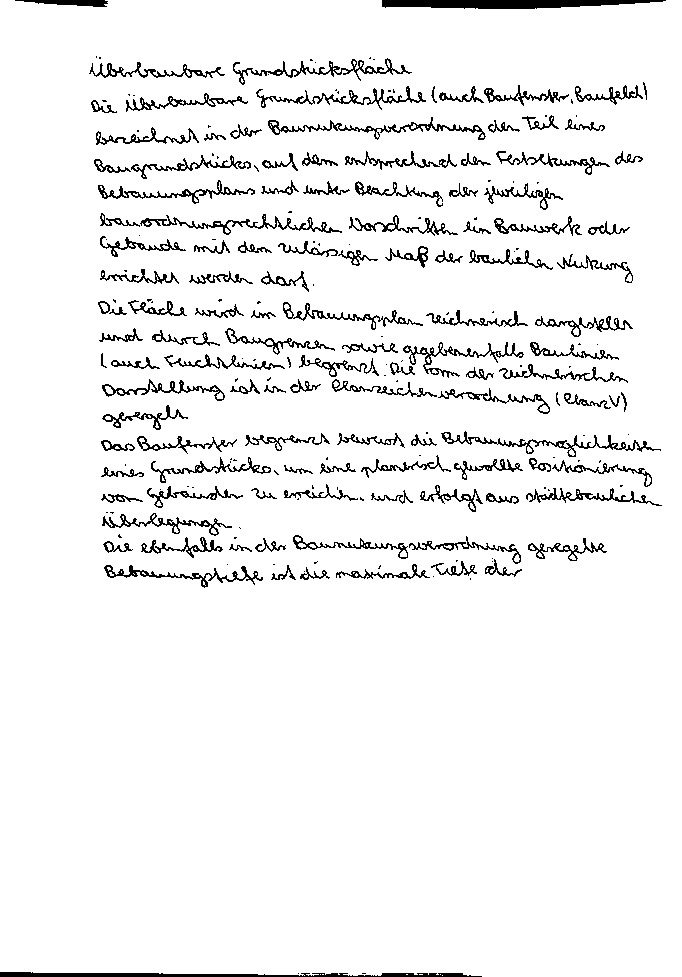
Überbaubare Grundstücksfläche
Die Überbaubare Grundstücksfläche (auch Baufenster, Baufeld)
bezeichnet in der Baunutzungsverordnung den Teil eines
Baugrundstücks, auf dem entsprechend den Festsetzungen des
Bebauungsplans und unter Beachtung der jeweiligen
bauordnungsrechtlichen Vorschriften ein Bauwerk oder
Gebäude mit dem zulässigen Maß der baulichen Nutzung
errichtet werden darf.
Die Fläche wird im Bebauungsplan zeichnerisch dargestellt
und durch Baugrenzen sowie gegebenenfalls Baulinien
(auch Fluchtlinien) begrenzt. Die Form der zeichnerischen
Darstellung ist in der Planzeichenverordnung (PlanzV)
geregelt.
Das Baufenster begrenzt bewusst die Bebauungsmöglichkeiten
eines Grundstücks, um eine planerisch gewollte Positionierung
von Gebäuden zu erreichen, und erfolgt aus städtebaulichen
Überlegungen.
Die ebenfalls in der Baunutzungsverordnung geregelte
Bebauungstiefe ist die maximale Tiefe der
